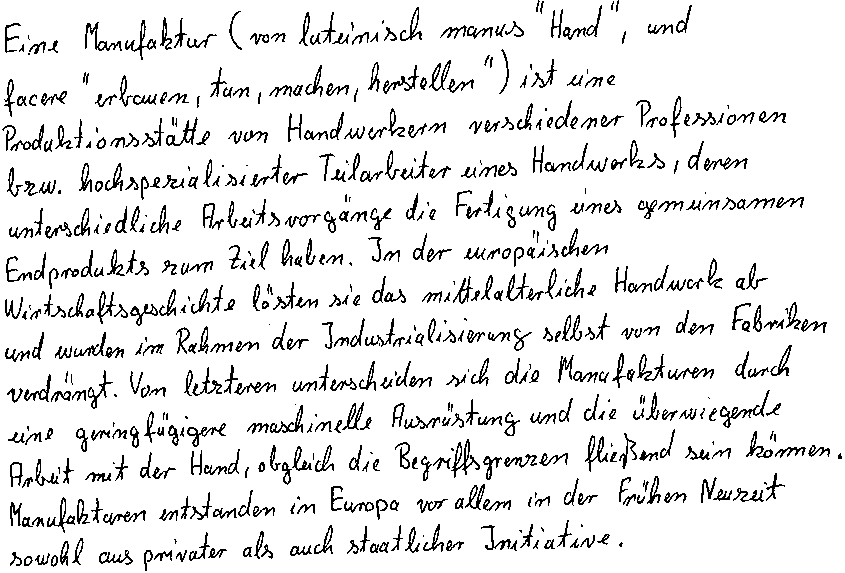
Eine Manufaktur (von lateinisch manus "Hand", und
facere "erbauen, tun, machen, herstellen") ist eine
Produktionsstätte von Handwerkern verschiedener Professionen
bzw. hochspezialisierter Teilarbeiter eines Handwerks, deren
unterschiedliche Arbeitsvorgänge die Fertigung eines gemeinsamen
Endprodukts zum Ziel haben. In der europäischen
Wirtschaftsgeschichte lösten sie das mittelalterliche Handwerk ab
und wurden im Rahmen der Industrialisierung selbst von den Fabriken
verdrängt. Von letzteren unterscheiden sich die Manufakturen durch
eine geringfügigere maschinelle Ausrüstung und die überwiegende
Arbeit mit der Hand, obgleich die Begriffsgrenzen fließend sein können.
Manufakturen entstanden in Europa vor allem in der Frühen Neuzeit
sowohl aus privater als auch staatlicher Initiative.
